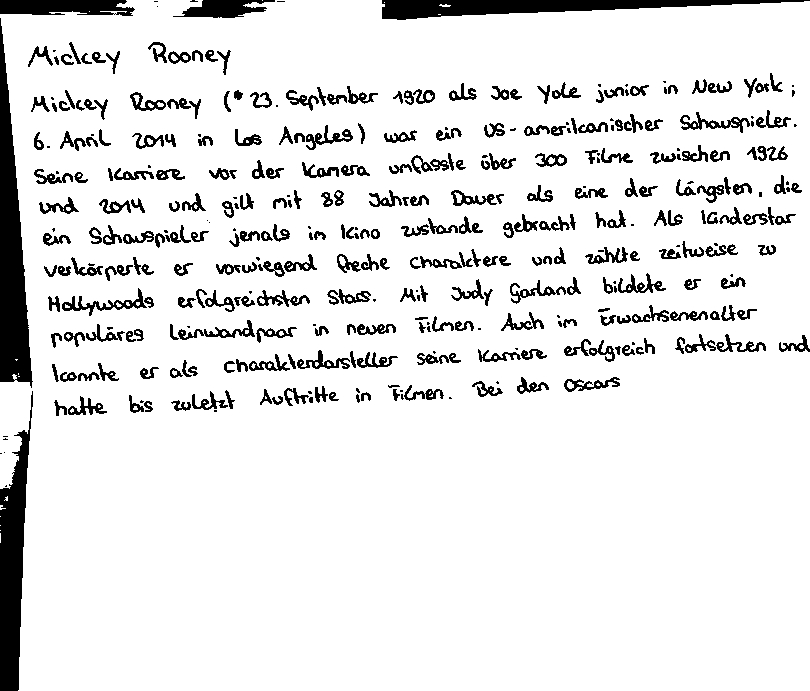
Mickey Rooney
Mickey Rooney (* 23. September 1920 als Joe Yule junior in New York;
6. April 2014 in Los Angeles) war ein US-amerikanischer Schauspieler.
Seine Karriere vor der Kamera umfasste über 300 Filme zwischen 1926
und 2014 und gilt mit 88 Jahren Dauer als eine der längsten, die
ein Schauspieler jemals im Kino zustande gebracht hat.Als Kinderstar
verkörperte er vorwiegend freche Charaktere und zählte zeitweise zu
Hollywoods erfolgreichsten Stars. Mit Judy Garland bildete er ein
populäres Leinwandpaar in neun Filmen. Auch im Erwachsenenalter
konnte er als Charakterdarsteller seine Karriere erfolgreich fortsetzen und
hatte bis zuletzt Auftritte in Filmen. Bei den Oscars
